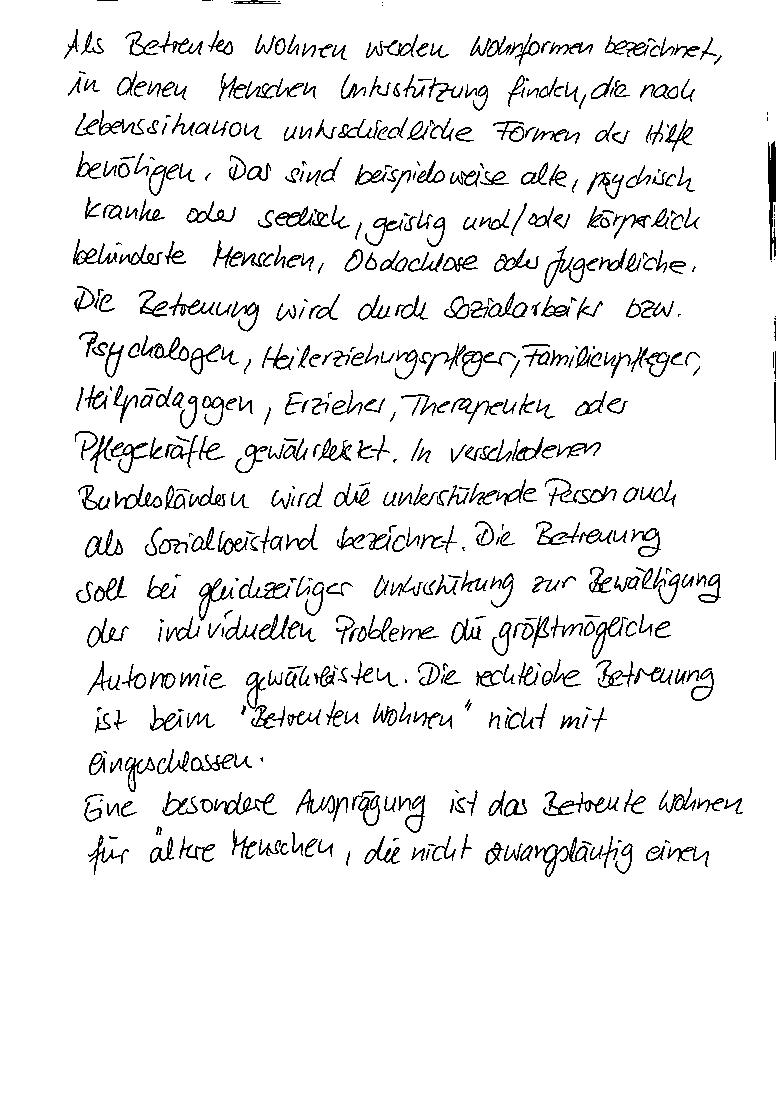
Als Betreutes Wohnen werden Wohnformen bezeichnet,
in denen Menschen Unterstützung finden, die nach
Lebenssituation unterschiedliche Formen der Hilfe
benötigen. Das sind beispielsweise alte, psychisch
kranke oder seelisch, geistig und/oder körperlich
behinderte Menschen, Obdachlose oder Jugendliche.
Die Betreuung wird durch Sozialarbeiter bzw.
Psychologen, Heilerziehungspfleger, Familienpfleger,
Heilpädagogen, Erzieher, Therapeuten oder
flegekräfte gewährleistet. In verschiedenen
Bundesländern wird die unterstützende Person auch
als Sozialbeistand bezeichnet. Die Betreuung
soll bei gleichzeitiger Unterstützung zur Bewältigung
der individuellen Probleme die größtmögliche
Autonomie gewährleisten. Die rechtliche Betreuung
ist beim "Betreuten Wohnen" nicht mit
eingeschlossen.
Eine besondere Ausprägung ist das Betreute Wohnen
für ältere Menschen, die nicht zwangsläufig einen
